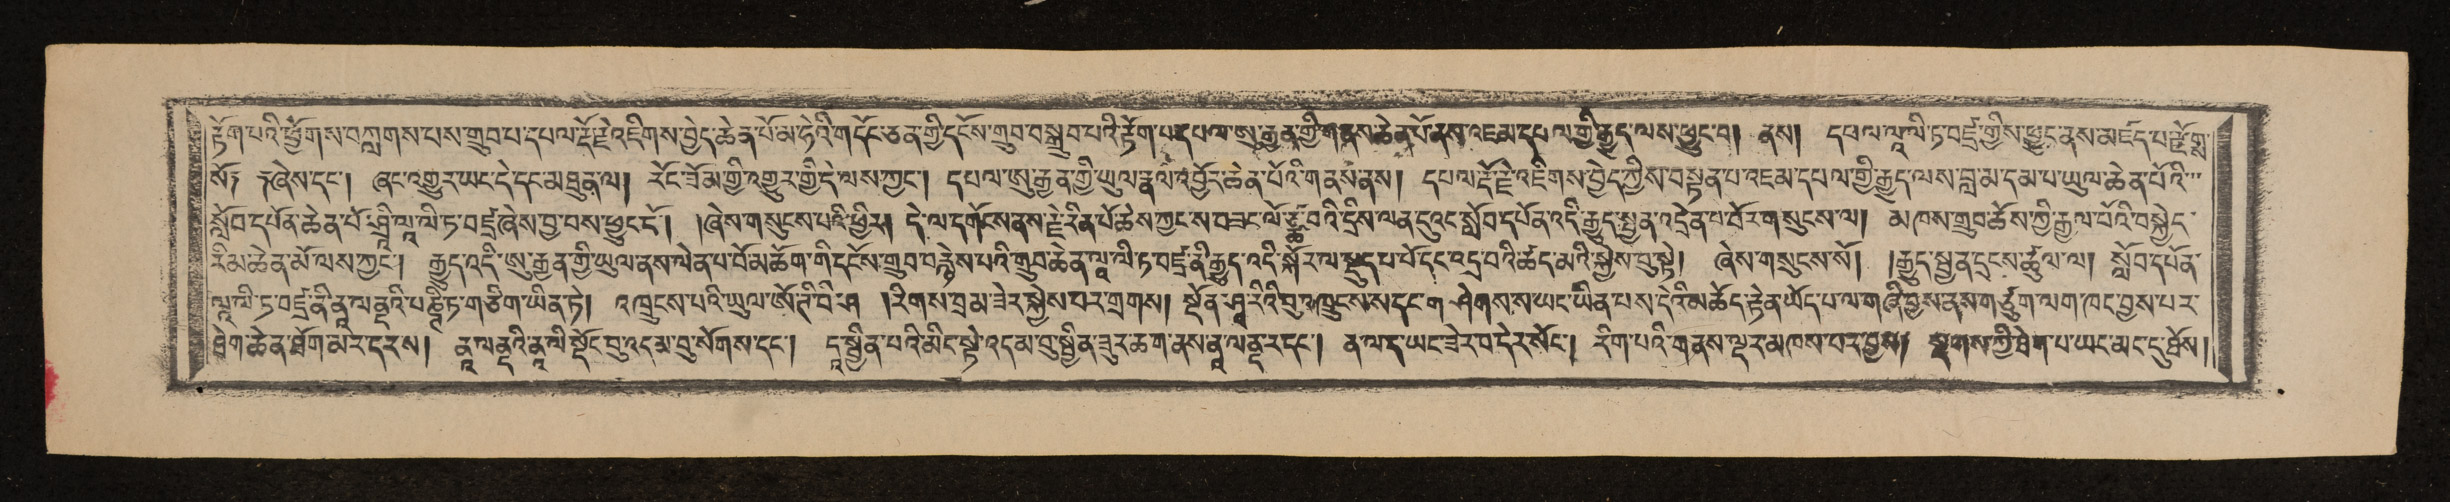རྟོག་པའི་ཕྱོགས་བཀླགས་པས་གྲུབ་པ་དཔལ་རྡོ་རྗེ་འཇིགས་བྱེད་ཆེན་པོ་མ་ཧེའི་གདོང་ཅན་གྱི་དངོས་གྲུབ་བསྒྲུབ་པའི་རྟོག་པ་དཔལ་ཨུ་རྒྱན་གྱི་གནས་ཆེན་པོ་ནས་འཇམ་དཔལ་གྱི་རྒྱུད་ལས་ཕྱུང་བ། ནས། དཔལ་ལཱ་ལི་ཏ་བཛྲ་གྱིས་ཕྱུང་ནས་མཛད་པ་རྫོགས་
སོ༑ ༑ཞེས་དང་། ཞང་འགྱུར་ཡང་དེ་དང་མཐུན་ལ། རོང་ཟོམ་གྱི་འགྱུར་གྱི་དེ་ལས་ཀྱང་། དཔལ་ཨུ་རྒྱན་གྱི་ཡུལ་རྣལ་འབྱོར་ཆེན་པོའི་གནས་ནས། དཔལ་རྡོ་རྗེ་འཇིགས་བྱེད་ཀྱིས་བསྟན་པ་འཇམ་དཔལ་གྱི་རྒྱུད་ལས་བླ་མ་དམ་པ་ཡུལ་ཆེན་པོའི་
སློབ་དཔོན་ཆེན་པོ་ཤྲཱི་ལཱ་ལི་ཏ་བཛྲ་ཞེས་བྱ་བས་ཕྱུང་ངོ། །ཞེས་གསུངས་པའི་ཕྱིར། དེ་ལ་དགོངས་ནས་རྗེ་རིན་པོ་ཆེས་ཀྱང་ས་བཟང་ལོ་ཙྪ་བའི་དྲིས་ལན་དུའང་སློབ་དཔོན་འདི་རྒྱུད་སྤྱན་འདྲེན་པ་པོར་གསུངས་ལ། མཁས་གྲུབ་ཆོས་ཀྱི་རྒྱལ་པོའི་བསྐྱེད་
རིམ་ཆེན་མོ་ལས་ཀྱང་། རྒྱུད་འདི་ཨུ་རྒྱན་གྱི་ཡུལ་ནས་ལེན་པ་བོ་མཆོག་གི་དངོས་གྲུབ་བརྙེས་པའི་གྲུབ་ཆེན་ལཱ་ལི་ཏ་བཛྲ་ནི་རྒྱུད་འདི་སྐར་ལ་སྡུད་པ་པོ་དང་འདྲ་བའི་ཚད་མའི་སྐྱེས་བུ་སྟེ། ཞེས་གསུངས་སོ། །རྒྱུད་སྤྱན་དྲངས་ཚུལ་ལ། སློབ་དཔོན་
ལཱ་ལི་ཏ་བཛྲ་ནི་ནཱ་ལནྡའི་པཎྜི་ཏ་གཅིག་ཡིན་ཏེ། འཁྲུངས་པའི་ཡུལ་ཨོ་ཊི་བི་ཤ་།རིགས་བྲམ་ཟེར་སྐྱེས་པར་གྲགས། སྔོན་ཤཱ་རིའི་བུ་འཁྲུངས་ས་དང་གཤེགས་ས་ཡང་ཡིན་པས་དེའི་མཆོད་རྟེན་ཡོད་པ་ལ་གཞི་བྱས་ནས་གཙུག་ལག་ཁང་བྱས་པར་
ཐེག་ཆེན་ཐོག་མ་ར་དར་ས། ནཱ་ལནྡའི་ནཱ་ལི་སྡོང་བུ་འདམ་བུ་སོགས་དང་། དཱ་སྦྱིན་པའི་མིང་སྟེ་འདམ་བུ་སྦྱིན་ཟུར་ཆག་ནས་ནཱ་ལནྡར་དང་། ན་ལ་ད་ཡང་ཟེར་བ་དེར་སོང་། རིག་པའི་གནས་ལྔར་མཁས་པར་བྱས། སྔགས་ཀྱི་ཐེག་ཕ་ཡང་མང་དུ་ཐོས།